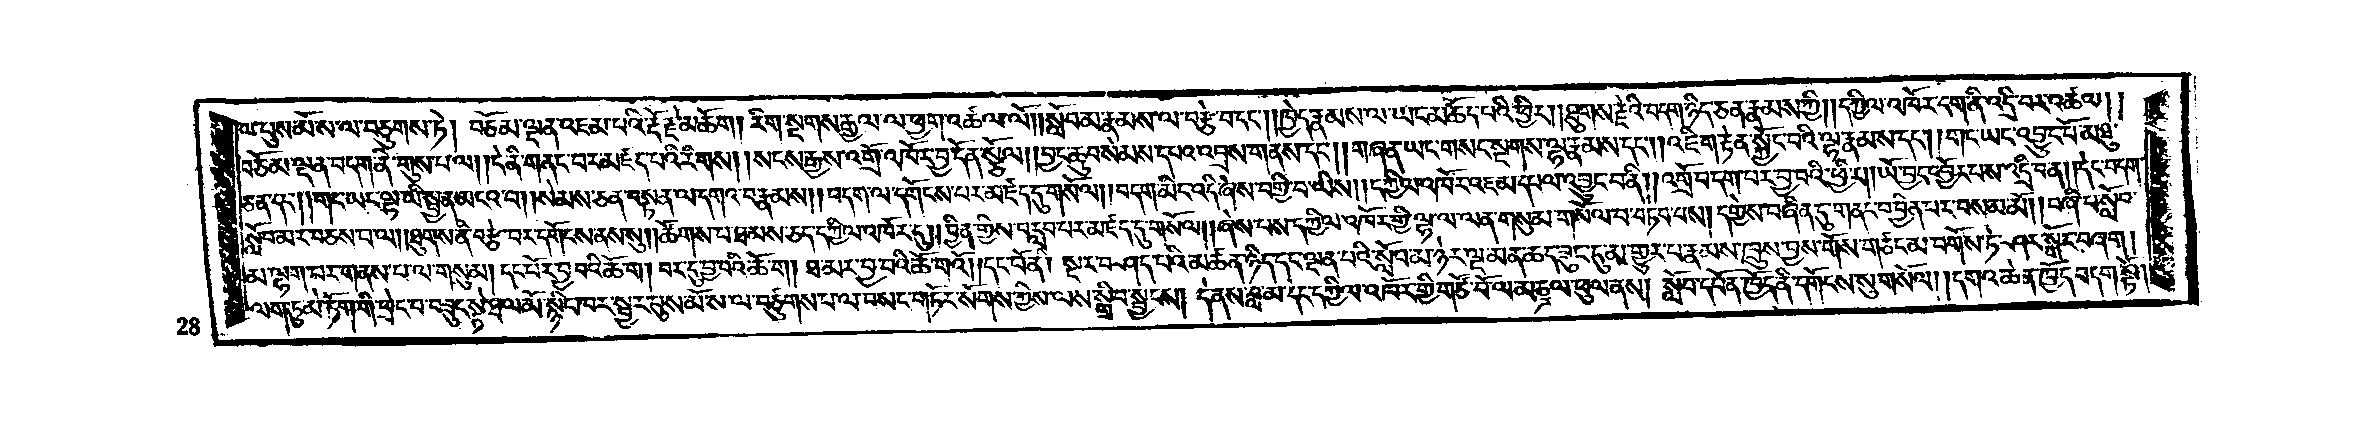ལ་པུས་མོ་ས་ལ་བཅུགས་ཏེ། བཅོམ་ལྡན་འཇམ་པའི་རྡོ་རྗེ་མཆོག །རིག་སྔགས་རྒྱལ་ལ་ཕྱག་འཚལ་ལོ། །སློབ་མ་རྣམས་ལ་བརྩེ་བ་དང་། །ཁྱེད་རྣམས་ལ་ཡང་མཆོད་པའི་ཕྱིར། །ཐུགས་རྗེའི་བདག་ཉིད་ཅན་རྣམས་ཀྱི། །དཀྱིལ་འཁོར་དག་ནི་འདྲི་བར་འཚལ། །
བཅོམ་ལྡན་བདག་ནི་གུས་པ་ལ། །དེ་ནི་གནང་བར་མཛད་པའི་རིགས། །སངས་རྒྱས་འགྲོ་འཁོར་བྱ་དོན་སྩོལ། །བྱང་ཆུབ་སེམས་དཔའ་འབྲས་གནས་དང་། །གཞན་ཡང་གསང་སྔགས་ལྷ་རྣམས་དང་། །འཇིག་རྟེན་སྐྱོང་བའི་ལྷ་རྣམས་དང་། །གང་ཡང་འབྱུང་པོ་མཐུ་
ཅན་དང་། །གང་ཡང་ལྷ་ཡི་སྤྱན་མངའ་བ། །སེམས་ཅན་བསྟན་ལ་དགའ་བ་རྣམས། །བདག་ལ་དགོངས་པར་མཛད་དུ་གསོལ། །བདག་མིང་འདི་ཞེས་བགྱི་བ་ཡིས། །དཀྱིལ་འཁོར་འཇམ་དཔལ་འབྱུང་བ་ནི། །འགྲོ་བ་དག་པར་བྱ་བའི་ཕྱིར། །ཡོ་བྱད་འབྱོར་པས་འདྲི་བ་ན། །དེང་བདག་
སློབ་མར་བཅས་པ་ལ། །ཐུགས་ནི་བརྩེ་བར་དགོངས་ནས་སུ། །ཚོགས་པ་ཐམས་ཅད་དཀྱིལ་འཁོར་དུ། །བྱིན་གྱིས་བརླབ་པར་མཛད་དུ་གསོལ། །ཞེས་པས་དཀྱིལ་འཁོར་གྱི་ལྷ་ལ་ལན་གསུམ་གསོལ་བ་བཏབ་པས། དགྱེས་བཞིན་དུ་གནང་བ་བྱིན་པར་བསམ་མོ། །བཞི་པ་སློབ་
མ་ལྷག་པར་གནས་པ་ལ་གསུམ། དང་པོར་བྱ་བའི་ཆོ་ག །བར་དུ་བྱ་བའི་ཆོ་ག །ཐ་མར་བྱ་བའི་ཆོ་གའོ། །དང་པོ་ནི། སྔར་བཤད་པའི་མཚན་ཉིད་དང་ལྡན་པའི་སློབ་མ་ཉེར་ལྔ་མན་ཆད་ཟུང་དུ་མ་གྱུར་པ་རྣམས་ཁྲུས་བྱས་གོས་གཙང་མ་བགོས་ཏེ་ཤར་སྒོར་བཞག །
ལག་ཏུ་མེ་ཏོག་གི་ཕྲེང་བ་བཟུང་སྟེ་ཐལ་མོ་སྙིང་ཁར་སྦྱར་པུས་མོ་ས་ལ་བཙུགས་པ་ལ་བསང་གཏོར་སོགས་ཀྱིས་ལས་སྒྲིབ་སྦྱངས། དེ་ནས་བླ་མ་དང་དཀྱིལ་འཁོར་གྱི་གཙོ་བོ་ལ་མཎཌལ་ཕུལ་ནས། སློབ་དཔོན་ཁྱོད་ནི་དགོངས་སུ་གསོལ། །དགའ་ཆེན་ཁྱོད་བདག་སྟོད་